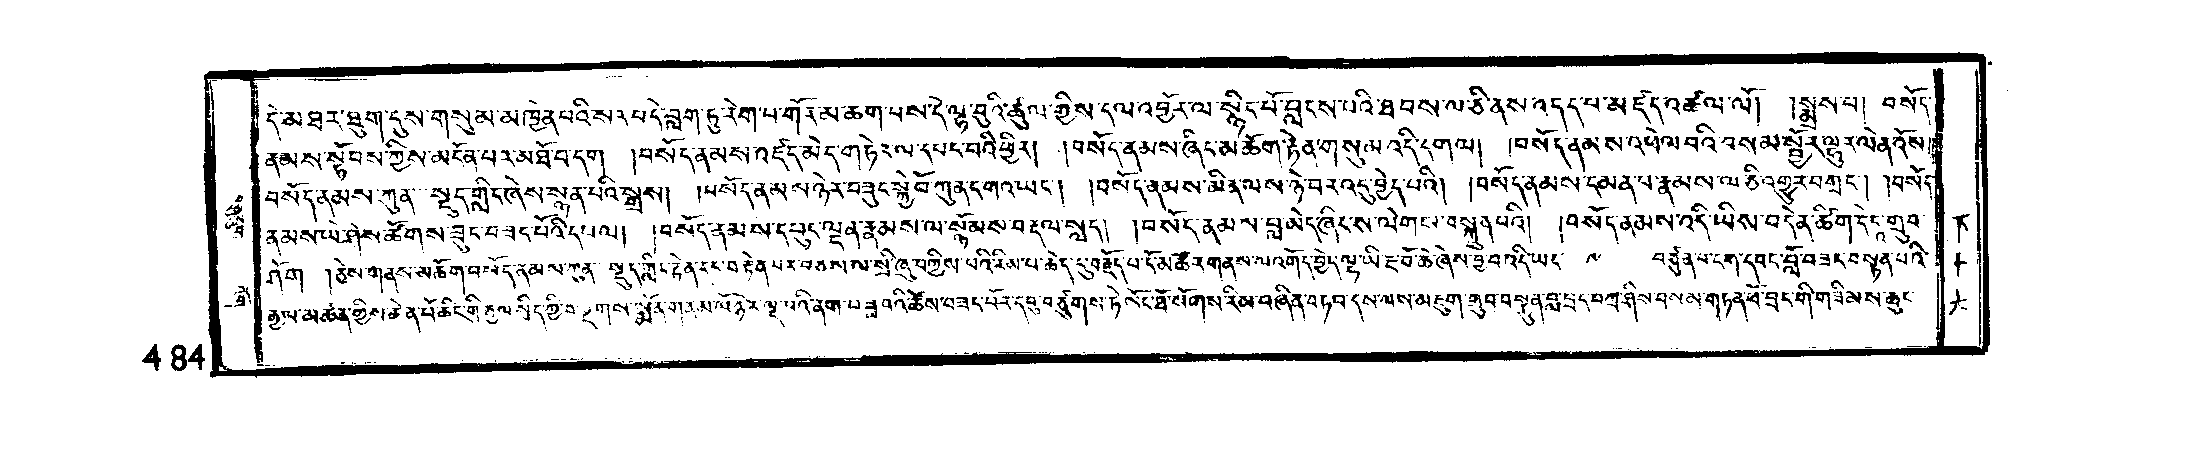དེ་མཐར་ཐུག་དུས་གསུམ་མཁྱེན་པའི་སར་བདེ་བླག་ཏུ་རེག་པ་གོར་མ་ཆག་པས་དེ་ལྟ་བུའི་ཚུལ་གྱིས་དལ་འབྱོར་ལ་སྙིང་པོ་བླངས་པའི་ཐབས་ལ་ཅི་ནས་འདད་པ་མཛད་འཚལ་ལོ། །སྨྲས་པ། བསོད་
ནམས་སྟོབས་ཀྱིས་མངོན་པར་མཐོ་བ་དག །བསོད་ནམས་འཛད་མེད་གཏེར་ལ་དཔང་བའི་ཕྱིར། །བསོད་ནམས་ཞིང་མཆོག་རྟེན་གསུམ་འདི་དག་ལ། །བསོད་ནམས་འཕེལ་བའི་བསམ་སྦྱོར་ལྷུར་ལེན་འོས།
བསོད་ནམས་ཀུན་སྡུད་གླིང་ཞེས་སྙན་པའི་སྒྲས། །བསོད་ནམས་ཉེར་བཟུང་སྐྱེ་བོ་ཀུན་དགའ་ཡང་། །བསོད་ནམས་མིན་ལས་ཉེ་བར་འདུ་བྱེད་པའི། །བསོད་ནམས་དམན་པ་རྣམས་ལ་ཅི་འགྱུར་བགྲང་། །བསོད་
ནམས་ཡེ་ཤེས་ཚོགས་ཟུང་བཟང་པོའི་དཔལ། །བསོད་ནམས་དཔུང་ལྡན་རྣམས་ལ་སྙོམས་བརྡལ་སླད། །བསོད་ནམས་བླ་མེད་ཞིང་ས་ལེགས་བསྐྲུན་པའི། །བསོད་ནམས་འདི་ཡིས་བདེན་ཚིག་དེང་འགྲུབ་
ཤོག །ཅེས་གནས་མཆོག་བསོད་ནམས་ཀུན་སྡུད་གླིང་རྟེན་དང་བརྟེན་པར་བཅས་ལ་སྲི་ཞུ་བགྱིས་པའི་རིམ་པ་ཆེད་དུ་བརྗོད་པ་ངོ་མཚར་གནས་ལ་འགོད་བྱེད་ལྷ་ཡི་རྔ་བོ་ཆེ་ཞེས་བྱ་བ་འདི་ཡང ༧་བཙུན་པ་ངག་དབང་བློ་བཟང་བསྟན་པའི་
རྒྱལ་མཚན་གྱིས་ཆེན་པོ་ཆིང་གི་རྒྱལ་སྲིད་ཀྱི་བསྔགས་སྨོན་གནམ་ལོ་ཉེར་ལྔ་པའི་ནག་པ་ཟླ་བའི་ཚེས་བཟང་པོར་དབུ་བཙུགས་ཏེ་སོང་ཐོ་སོགས་རིམ་བཞིན་བཏབ་དས་ལས་མཇུག་གྲུབ་བསྟུན་བླ་བྲང་བཀྲ་ཤིས་བསམ་གཏན་ཕོ་བྲང་གི་གཟིམས་ཆུང་